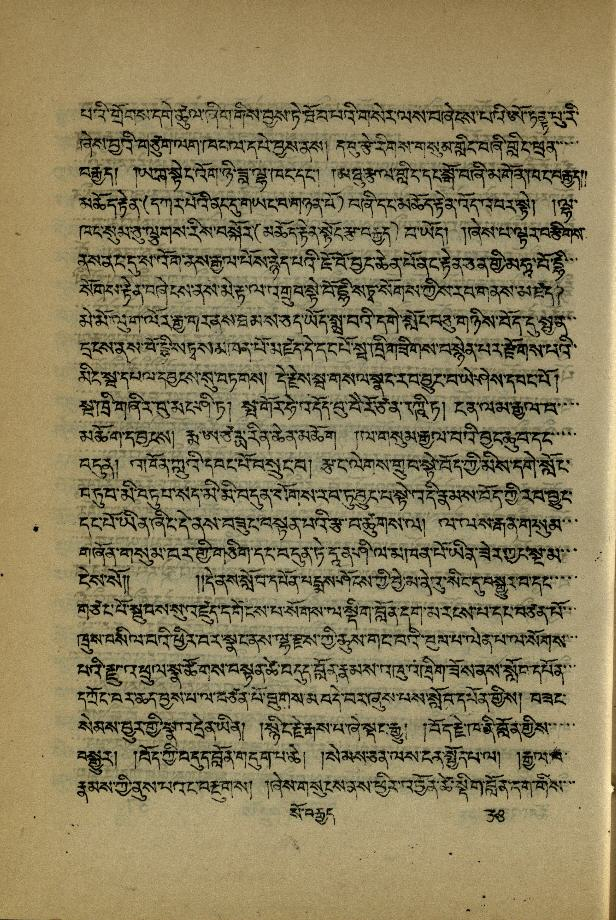པའི་གྲོགས་དགེ་ཚུལ་ཞིག་གིས་བྱས་ཏེ་ཐོབ་པའི་གསེར་ལས་བཞེངས་པའི་ཨོ་ཏནྟ་པུ་རི་
ཞེས་བྱའི་གཙུག་ལག་ཁང་ལ་དཔེ་བྱས་ནས། དབུ་རྩེ་རིགས་གསུམ་གླིང་བཞི་གླིང་ཕྲན་
བརྒྱད། །ཡཀྵ་སྟེང་འོག་ཉི་ཟླ་ལྷ་ཁང་དང་། །མཐུ་རྩལ་གླིང་དང་སྒོ་བཞི་མགོན་ཁང་བརྒྱད།།
མཆོད་རྟེན་དཀར་པོའི་ནང་དུ་གཡང་བ་གཉན་པོ་བཞི་དང་མཆོད་རྟེན་འོད་འབར་སྟེ། །ལྷ་
ཁང་སུམ་ཅུ་ལྕགས་རིས་བསྐོར་མཆོད་རྟེན་སྟོང་རྩ་བརྒྱད་བ་ཡོད། །ཞེས་པ་ལྟར་བརྩིགས་
ནས་ནང་དུ་ས་འོག་ནས་རྒྱལ་པོས་རྙེད་པའི་ཇོ་བོ་བྱང་ཆེན་པོ་ནང་རྟེན་ཅན་གྱི་མཧཱ་བོདྷི་
སོགས་རྟེན་བཞེངས་ནས་མེ་རྟ་ལ་འགྲུབ་སྟེ་བོ་དྷི་སཏྭ་སོགས་རབ་གནས་མཛད?
མེ་མོ་ལུག་ལོར་རྒྱ་གར་ནས་ཐམས་ཅད་ཡོད་སྨྲ་བའི་དགེ་སློང་བཅུ་གཉིས་བོད་དུ་སྤྱན་
དྲངས་ནས་བོ་དྷི་ས་ཏྭས་མཁན་པོ་མཛད་དེ་དང་པོ་སྦ་ཁྲི་གཟིག་བསྙེན་པར་རྫོགས་པའི་
མིང་སྦ་དཔལ་དབྱངས་སུ་བཏགས། དེ་རྗེས་སྦ་གསལ་སྣང་རབ་བྱུང་བ་ཡེ་ཤེས་དབང་པོ།
སྦ་ཁྲི་གཞིར་བུ་མང་ཤི་ཏ། སྦ་གོར་ཧེ་འདོད་བུ་བཻ་རོ་ཙ་ན་འྐྵི་ཏ། ངན་ལམ་རྒྱལ་བ་
མཆོག་དབྱངས། རྨ་ཨ་ཙེཡ་རིན་ཆེན་མཆོག །ལ་གསུམ་རྒྱལ་བའི་བྱང་ཆུབ་དང་
བདུན། འཁོན་ཀླུའི་དབང་པོ་བསྲུང་བ། རྩང་ལེགས་གྲུབ་སྟེ་བོད་ཀྱི་མིས་དགེ་སློང་
བཏུབ་མི་བཏུབ་སད་མི་མི་བདུན་སོགས་རབ་ཏུ་བྱུང་བ་སྟེ་འདི་རྣམས་བོད་ཀྱི་རབ་བྱུང་
དང་པོ་ཡིན་ཞིང་དེ་ནས་བཟུང་བསྟན་པའི་རྩ་བ་ཚུགས་ལ། །ལ་ལས་རྒན་གསུམ་
གཞོན་གསུམ་བར་གྱི་གཅིག་དང་བདུན་ཏེ་དཱ་ན་ཤི་ལ་མཁན་པོ་ཡིན་ཟེར་ཀྱང་སྔ་མ་
ངེས་སོ།། །།དེ་ནས་སློབ་དཔོན་པདམས་ཤོངས་ཀྱི་བྱེ་མ་ནེའུ་སིང་དུ་བསྒྱུར་བ་དང་
གཙང་པོ་སྦུབས་སུ་འཛུད་དགོངས་པ་སོགས་ལ་སྡིག་བློན་དག་མ་རངས་པ་དང་བཙན་པོ་
ཁྲུས་བསིལ་བའི་ཕྱིར་བར་སྣང་ནས་ལྷ་རྫས་ཀྱི་ཆུས་གང་བའི་བུམ་པ་ལེན་པ་ལ་སོགས་
པའི་རྫུ་འཕྲུལ་སྣ་ཚོགས་བསྟན་ཚེ་བདུད་བློ་རྣམས་འཁུ་འཁྲིག་ཟོས་ནས་སློབ་དཔོན་
དཀྲོང་བར་ཆད་བྱས་པ་ལ་བཙན་པོ་ཐུགས་མ་བདེ་བར་ཞུས་པས་སློབ་དཔོན་གྱིས། བཟང་
སེམས་བྱུར་གྱི་སྣ་འདྲེན་ཡིན། །སྙིང་རྗེ་རྒས་པ་ཞེས་སྡང་རྒྱུ། །བོད་རྗེ་ཁ་ནི་བློན་གྱིས་
བསྒྱུར། །བོད་ཀྱི་བདུད་བློན་གདུག་པ་ཆེ། །སེམས་ཅན་ལས་ངན་སྤྱོད་པ་ལ། །རྒྱལ་བ་
རྣམས་ཀྱི་ནུས་པའང་བརྡུགས། །ཞེས་གསུངས་ནས་ཕྱིར་འབྱོན་ཚེ་སྡིག་བློན་དག་གིས་